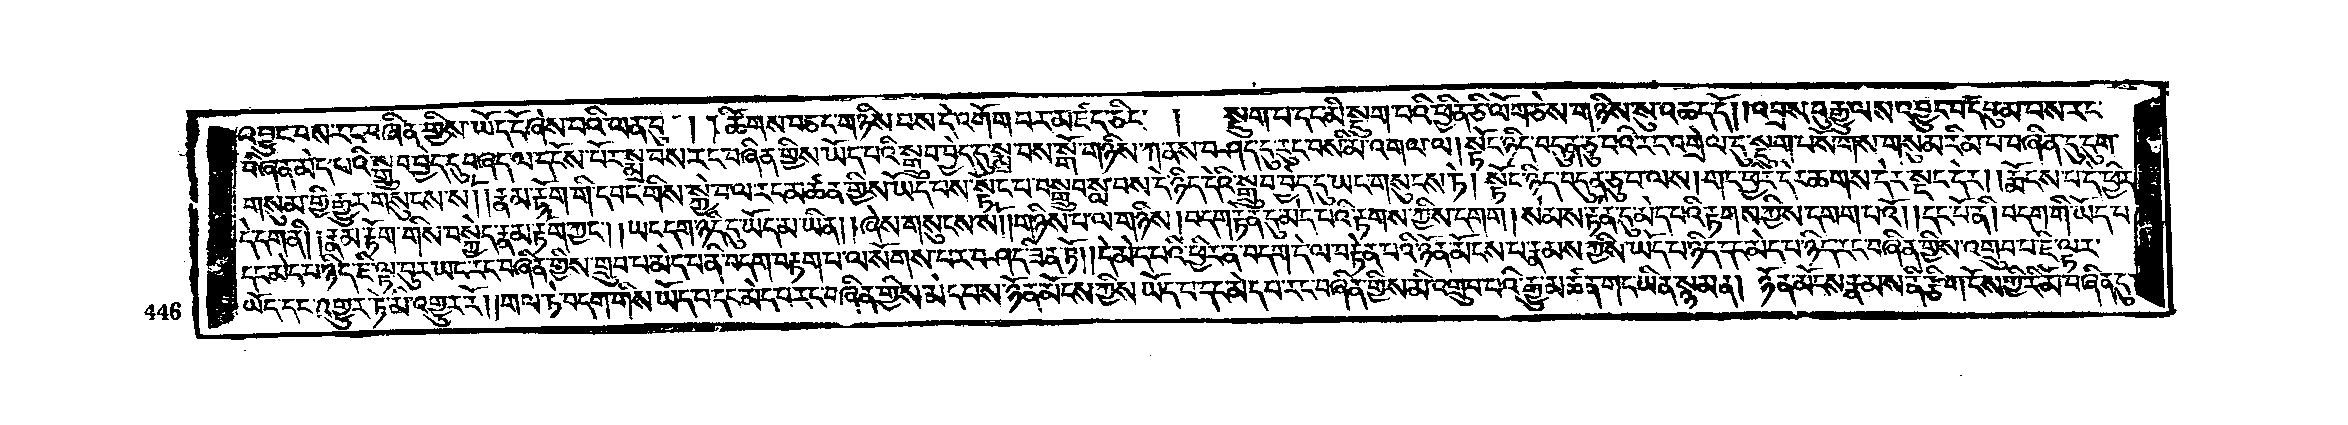འབྱུང་བས་རང་བཞིན་གྱིས་ཡོད་དོ་ཞེས་པའི་ལན་དུ། ཚིགས་བཅད་གཉིས་པས་དེ་འགོག་པར་མཛད་ཅིང་། སྡུག་པ་དང་མི་སྡུག་པའི་ཕྱིན་ཅི་ལོག་ཅེས་གཉིས་སུ་འཆད་དོ། །འབྲས་བུ་རྒྱུ་ལས་འབྱུང་བ་དབུ་མ་པས་རང་
བཞིན་མེད་པའི་སྒྲུབ་བྱེད་དུ་བཞེད་ལ་དངོས་པོར་སྨྲ་བས་རང་བཞིན་གྱིས་ཡོད་པའི་སྒྲུབ་བྱེད་དུ་སྨྲ་བས་སྒོ་གཉིས་ཀ་ནས་བཤད་དུ་རུང་བས་མི་འགལ་ལ། སྟོང་ཉིད་བདུན་ཅུ་པའི་རང་འགྲེལ་དུ་སྡུག་པ་སོགས་གསུམ་རིམ་པ་བཞིན་དུ་དུག་
གསུམ་གྱི་རྒྱུར་གསུངས་སོ། །རྣམ་རྟོག་གི་དབང་གིས་སྐྱེ་བ་ལ་རང་མཚན་གྱིས་ཡོད་པས་སྟོང་པ་བསྒྲུབ་སླ་བས་དེ་ཉིད་དེའི་སྒྲུབ་བྱེད་དུ་ཡང་གསུངས་ཏེ། སྟོང་ཉིད་བདུན་ཅུ་པ་ལས། གང་ཕྱིར་དེར་ཆགས་དེར་སྡང་དེར། །རྨོངས་པ་དེ་ཕྱིར་
དེ་དག་ནི། །རྣམ་རྟོག་གིས་བསྐྱེད་རྣམ་རྟོག་ཀྱང་། །ཡང་དག་ཉིད་དུ་ཡོད་མ་ཡིན། །ཞེས་གསུངས་སོ། །གཉིས་པ་ལ་གཉིས། བདག་རྟེན་དུ་མེད་པའི་རྟགས་ཀྱིས་དགག། སེམས་རྟེན་དུ་མེད་པའི་རྟགས་ཀྱིས་དགག་པའོ། །དང་པོ་ནི། བདག་གི་ཡོད་པ་
དང་མེད་པ་ཉིད་ཇི་ལྟ་བུར་ཡང་རང་བཞིན་གྱིས་གྲུབ་པ་མེད་པ་ནི་བདག་བརྟག་པ་ལ་སོགས་པར་བཤད་ཟིན་ཏོ། །དེ་མེད་པའི་ཕྱིར་ན་བདག་དེ་ལ་བརྟེན་པའི་ཉོན་མོངས་པ་རྣམས་ཀྱིས་ཡོད་པ་ཉིད་དང་མེད་པ་ཉིད་རང་བཞིན་གྱིས་འགྲུབ་པ་ཇི་ལྟར་
ཡོད་པར་འགྱུར་ཏེ་མི་འགྱུར་རོ། །གལ་ཏེ་བདག་གིས་ཡོད་པ་དང་མེད་པ་རང་བཞིན་གྱིས་མེད་པས་ཉོན་མོངས་ཀྱིས་ཡོད་པ་དང་མེད་པ་རང་བཞིན་གྱིས་མི་འགྲུབ་པའི་རྒྱུ་མཚན་གང་ཡིན་སྙམ་ན། ཉོན་མོངས་རྣམས་ནི་རྩིག་ངོས་ཀྱི་རི་མོ་བཞིན་དུ་